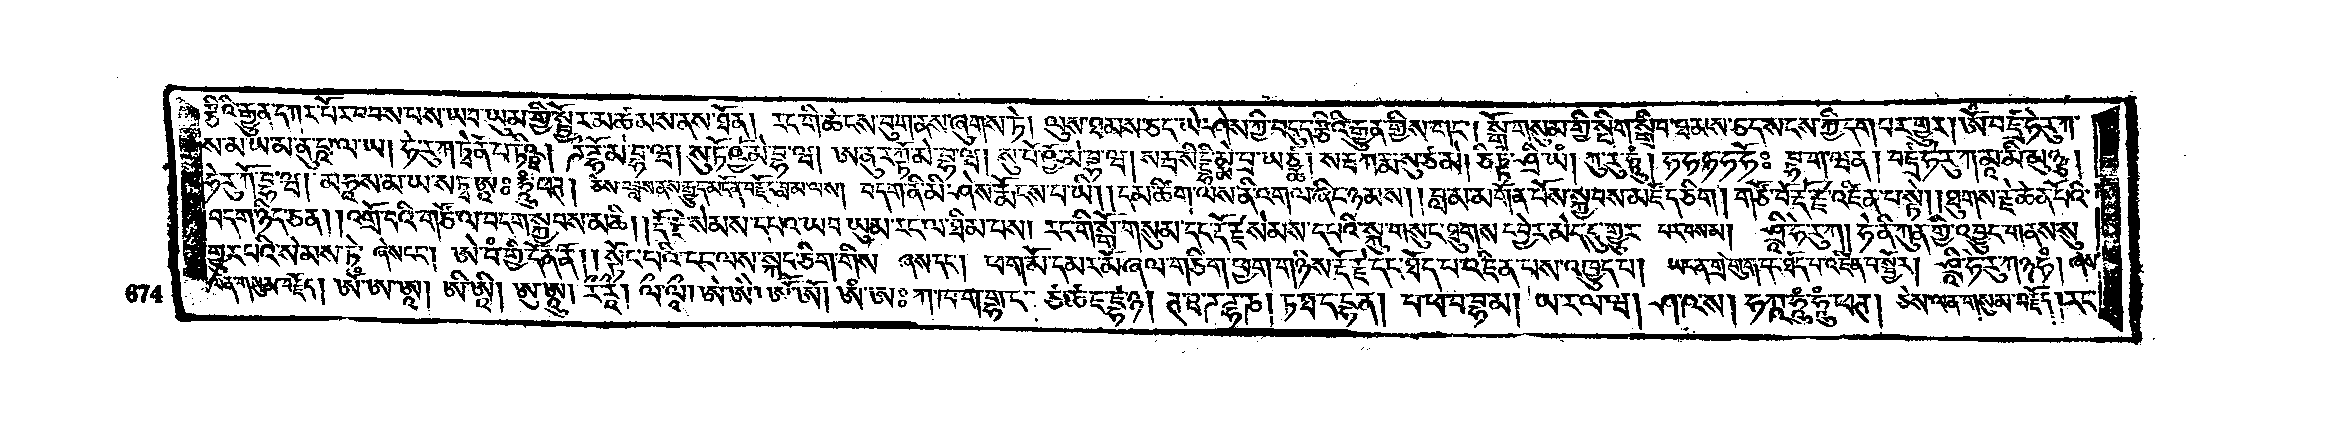རྩིའི་རྒྱུན་དཀར་པོར་བབས་པས་ཡབ་ཡུམ་གྱི་སྦྱོར་མཚམས་ནས་ཐོན། རང་གི་ཚངས་བུག་ནས་ཞུགས་ཏེ། ལུས་ཐམས་ཅད་ཡེ་ཤེས་ཀྱི་བདུད་རྩིའི་རྒྱུན་གྱིས་གང་། སྒོ་གསུམ་གྱི་སྡིག་སྒྲིབ་ཐམས་ཅད་སངས་ཀྱི་དག་པར་གྱུར། ཨོཾ་བཛྲ་ཧེ་རུ་ཀ་
ས་མ་ཡ་མ་ནུ་པཱ་ལ་ཡ། ཧེ་རུ་ཀ་ཏྭེ་ནོ་པ་ཏིཥཊཿཨ། ཌྀ་ཌྷོ་མེ་བྷ་ཝ། སུ་ཏོ་ཥྱོ་མེ་བྷ་ཝ། ཨ་ནུ་རཀྟོ་མེ་བྷ་ཝ། སུ་པོ་ཥྱོ་མེ་བྷ་ཝ། སརྦ་སིདྡྷི་མྨེ་པྲ་ཡཙྪ། སརྦ་ཀརྨ་སུ་ཙ་མེ། ཙིཏྟཾ་ཤྲི་ཡཾ། ཀུ་རུ་ཧཱུཾ། ཧ་ཧ་ཧ་ཧ་ཧོཿ བྷ་ག་ཝ་ན། བཛྲ་ཧེ་རུ་ཀ་མཱ་མེ་མུཉྩ།
ཧེ་རུ་ཀོ་བྷ་ཝ། མཧཱ་ས་མ་ཡ་སཏྭ་ཨཱཿ ཧཱུཾ་ཕཊ། ཅེས་བཟླས་ནས་རྒྱུད་མངོན་བརྗོད་བླ་མ་ལས།  བདག་ནི་མི་ཤེས་རྨོངས་པ་ཡི། །དམ་ཚིག་ལས་ནི་འགལ་ཞིང་ཉམས། །བླ་མ་མགོན་པོས་སྐྱབས་མཛོད་ཅིག །གཙོ་བོ་རྡོ་རྗེ་འཛིན་པ་སྟེ། །ཐུགས་རྗེ་ཆེན་པོའི་
བདག་ཉིད་ཅན། །འགྲོ་བའི་གཙོ་ལ་བདག་སྐྱབས་མཆི། །རྡོ་རྗེ་སེམས་དཔའ་ཡབ་ཡུམ་རང་ལ་ཐིམ་པས། རང་གི་སྒོ་གསུམ་དང་རྡོ་རྗེ་སེམས་དཔའི་སྐུ་གསུང་ཐུགས་དབྱེར་མེད་དུ་གྱུར་པར་བསམ།  ཤྲཱི་ཧེ་རུ་ཀ། ཧེ་ནི་ཀུན་གྱི་འབྱུང་གནས་སུ་
གྱུར་པའི་སེམས་ཏེ་ཞེས་དང་།  ཨེ་བཾ་གྱི་དོན་ནོ། །སྟོང་པའི་ངང་ལས་སྐད་ཅིག་གིས་ཞེས་དང་།  ཕག་མོ་དམར་མོ་ཞལ་གཅིག་ཕྱག་གཉིས་རྡོ་རྗེ་དང་ཐོད་པ་འཛིན་པས་འཁྱུད་པ། ཡང་ན་གྲི་གུག་དང་ཐོད་པ་འཛིན་པ་སྦྱོར།  ཤྲཱི་ཧེ་རུ་ཀཉཧཾ། ཞེས་
ལན་གསུམ་བརྗོད། ཨོཾ་ཨ་ཨཱ། ཨི་ཨཱི། ཨུ་ཨཱུ། རྀ་རཱྀ། ལྀ་ལཱྀ། ཨེ་ཨཻ། ཨཽ་ཨོ། ཨཾ་ཨཿ ཀ་ཁ་ག་གྷ་ང་། ཙ་ཚ་ཛ་ཛྷ་ཉ། ཊ་ཊཿཨ་ཌ་ཌྷ་ཎ། ཏ་ཐ་ད་དྷ་ན། པ་ཕ་བ་བྷ་མ། ཡ་ར་ལ་ཝ། ཤ་ཥ་ས། ཧཀྵ་ཧཱུཾ་ཧཱུཾ་ཕཊ། ཅེས་ལན་གསུམ་བརྗོད།  རང་